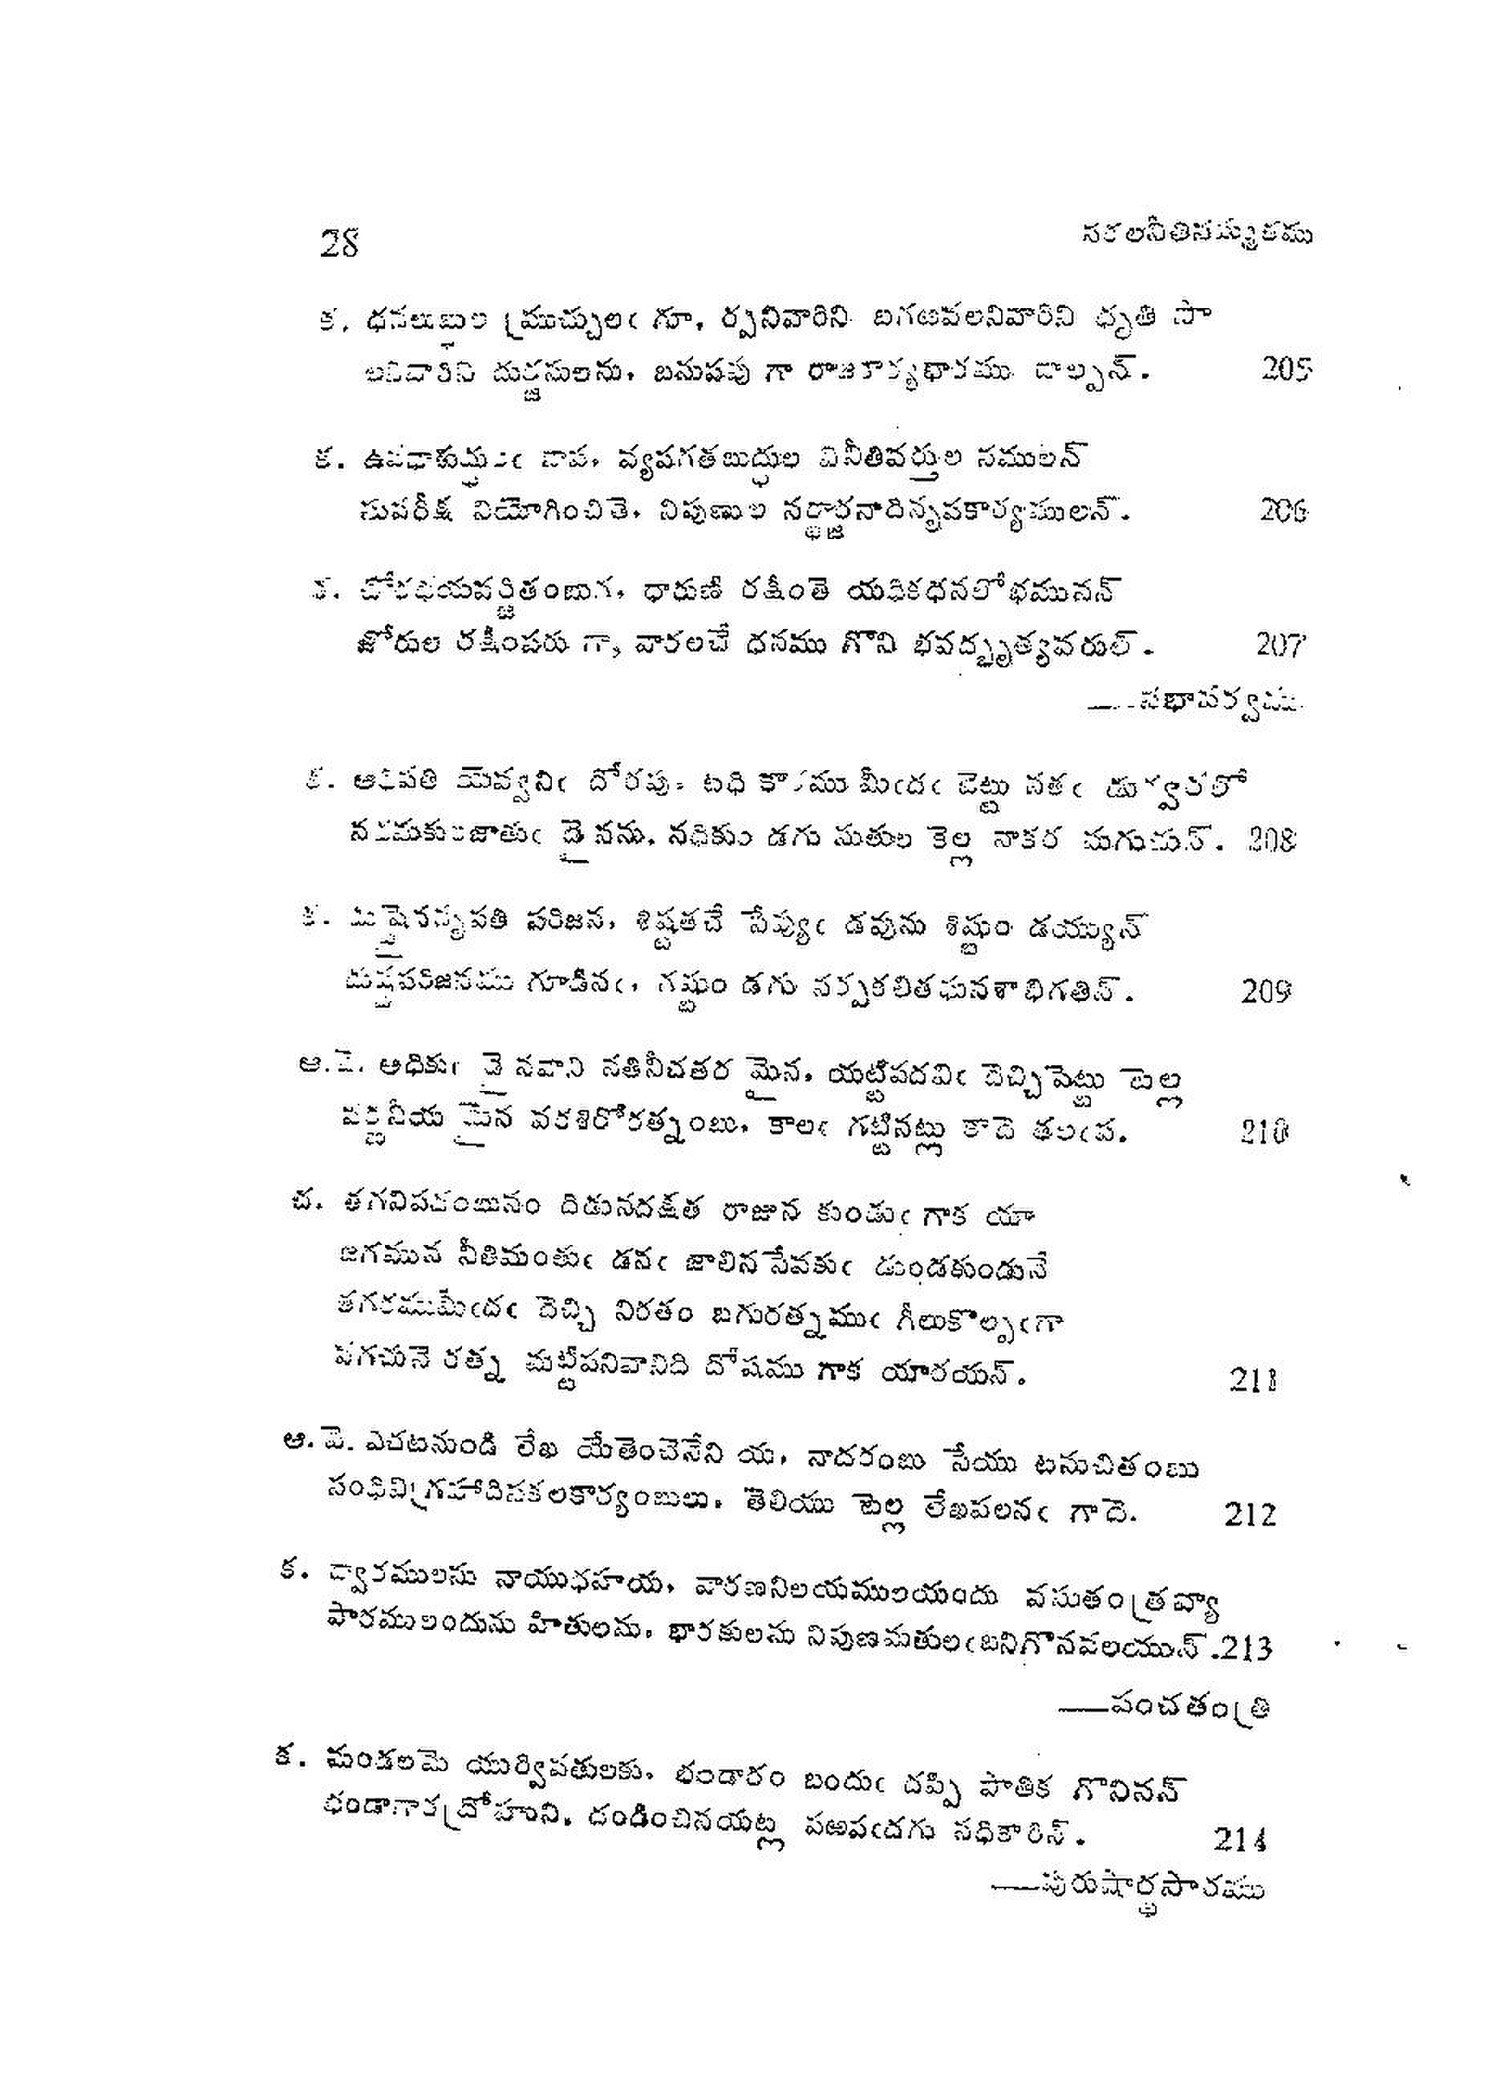క. ధనలుబ్ధుల మ్రుచ్చులఁ గూ
ర్పనివారిని బగఱవలనివారిని దృతి సా
లనివారిని దుర్జనులను
బనుపవు గా రాజకార్యభారము దాల్పన్. 205

క. ఉపధాశుద్ధులఁ బాప
వ్యపగతబుద్ధుల వినీతివర్తుల సములన్
సుపరీక్ష నియోగించితె
నిపుణుల నర్థార్జనాదినృపకార్యములన్. 206

క. చోరభయవర్జితంబుగ
ధారుణి రక్షింతె యధికధనలోభమునన్
జోరుల రక్షింపరు గా
వారలచే ధనము గొని భవద్భృత్యవరుల్. 207

క. అధిపతి యెవ్వని దోరపు
టధికారము మీఁదఁ బొట్టు నతఁ డుర్వరలో
నధమకులజాతుఁ డైనను
నధికుం డగు నుతుల కెల్ల నాకర మగుచున్. 208

క. దుష్టైన నృపతి పరిజన
శిష్టతచే సేవ్యుఁ డవును శిష్టుం డయ్యున్
దుష్టపరిజనము గూడినఁ
గష్టుం డగు సర్పకలితఘనశాఖగతిన్. 209

ఆ. అధికుఁ డైనవాని నతినీచతరమైన
యట్టిపదవిఁ దెచ్చిపెట్టు టెల్ల
వర్ణనీయమైన వరశిరోరత్నంబు
కాలఁ గట్టినట్లు కాదె తలఁప. 210

చ. తగనిపదంబునం దిడునదక్షత రాజున కుండుఁ గాక యా
జగమున నీతిమంతుఁ డనఁ జాలినసేవకుఁ డుండకుండునే
తగరముమీఁదఁ దెచ్చి నిరతం బగురత్నముఁ గీలుకొల్పఁగా
వగచునె రత్న మట్టిపనివానిది దోషము గాక యారయన్. 211

ఆ. ఎచటనుండి లేఖ యేతెంచెనేని య
నాదరంబు సేయు టనుచితంబు
సంధివిగ్రహాదిసకలకార్యంబులు
తెలియుటెల్ల లేఖవలనఁ గాదె. 212

క. ద్వారములను నాయుధహయ
వారణనిలయములయందు వసుతంత్రవ్యా
పారములందును హితులను
భారకులను నిపుణమతులఁ బనిగొనవలయున్. 213

క. మండలమె యుర్విపతులకు
భండారం బందుఁ దప్పి పాతిక గొనినన్
భండాగారద్రోహుని
దండించినయట్ల పఱపఁదగు నధికారిన్. 214